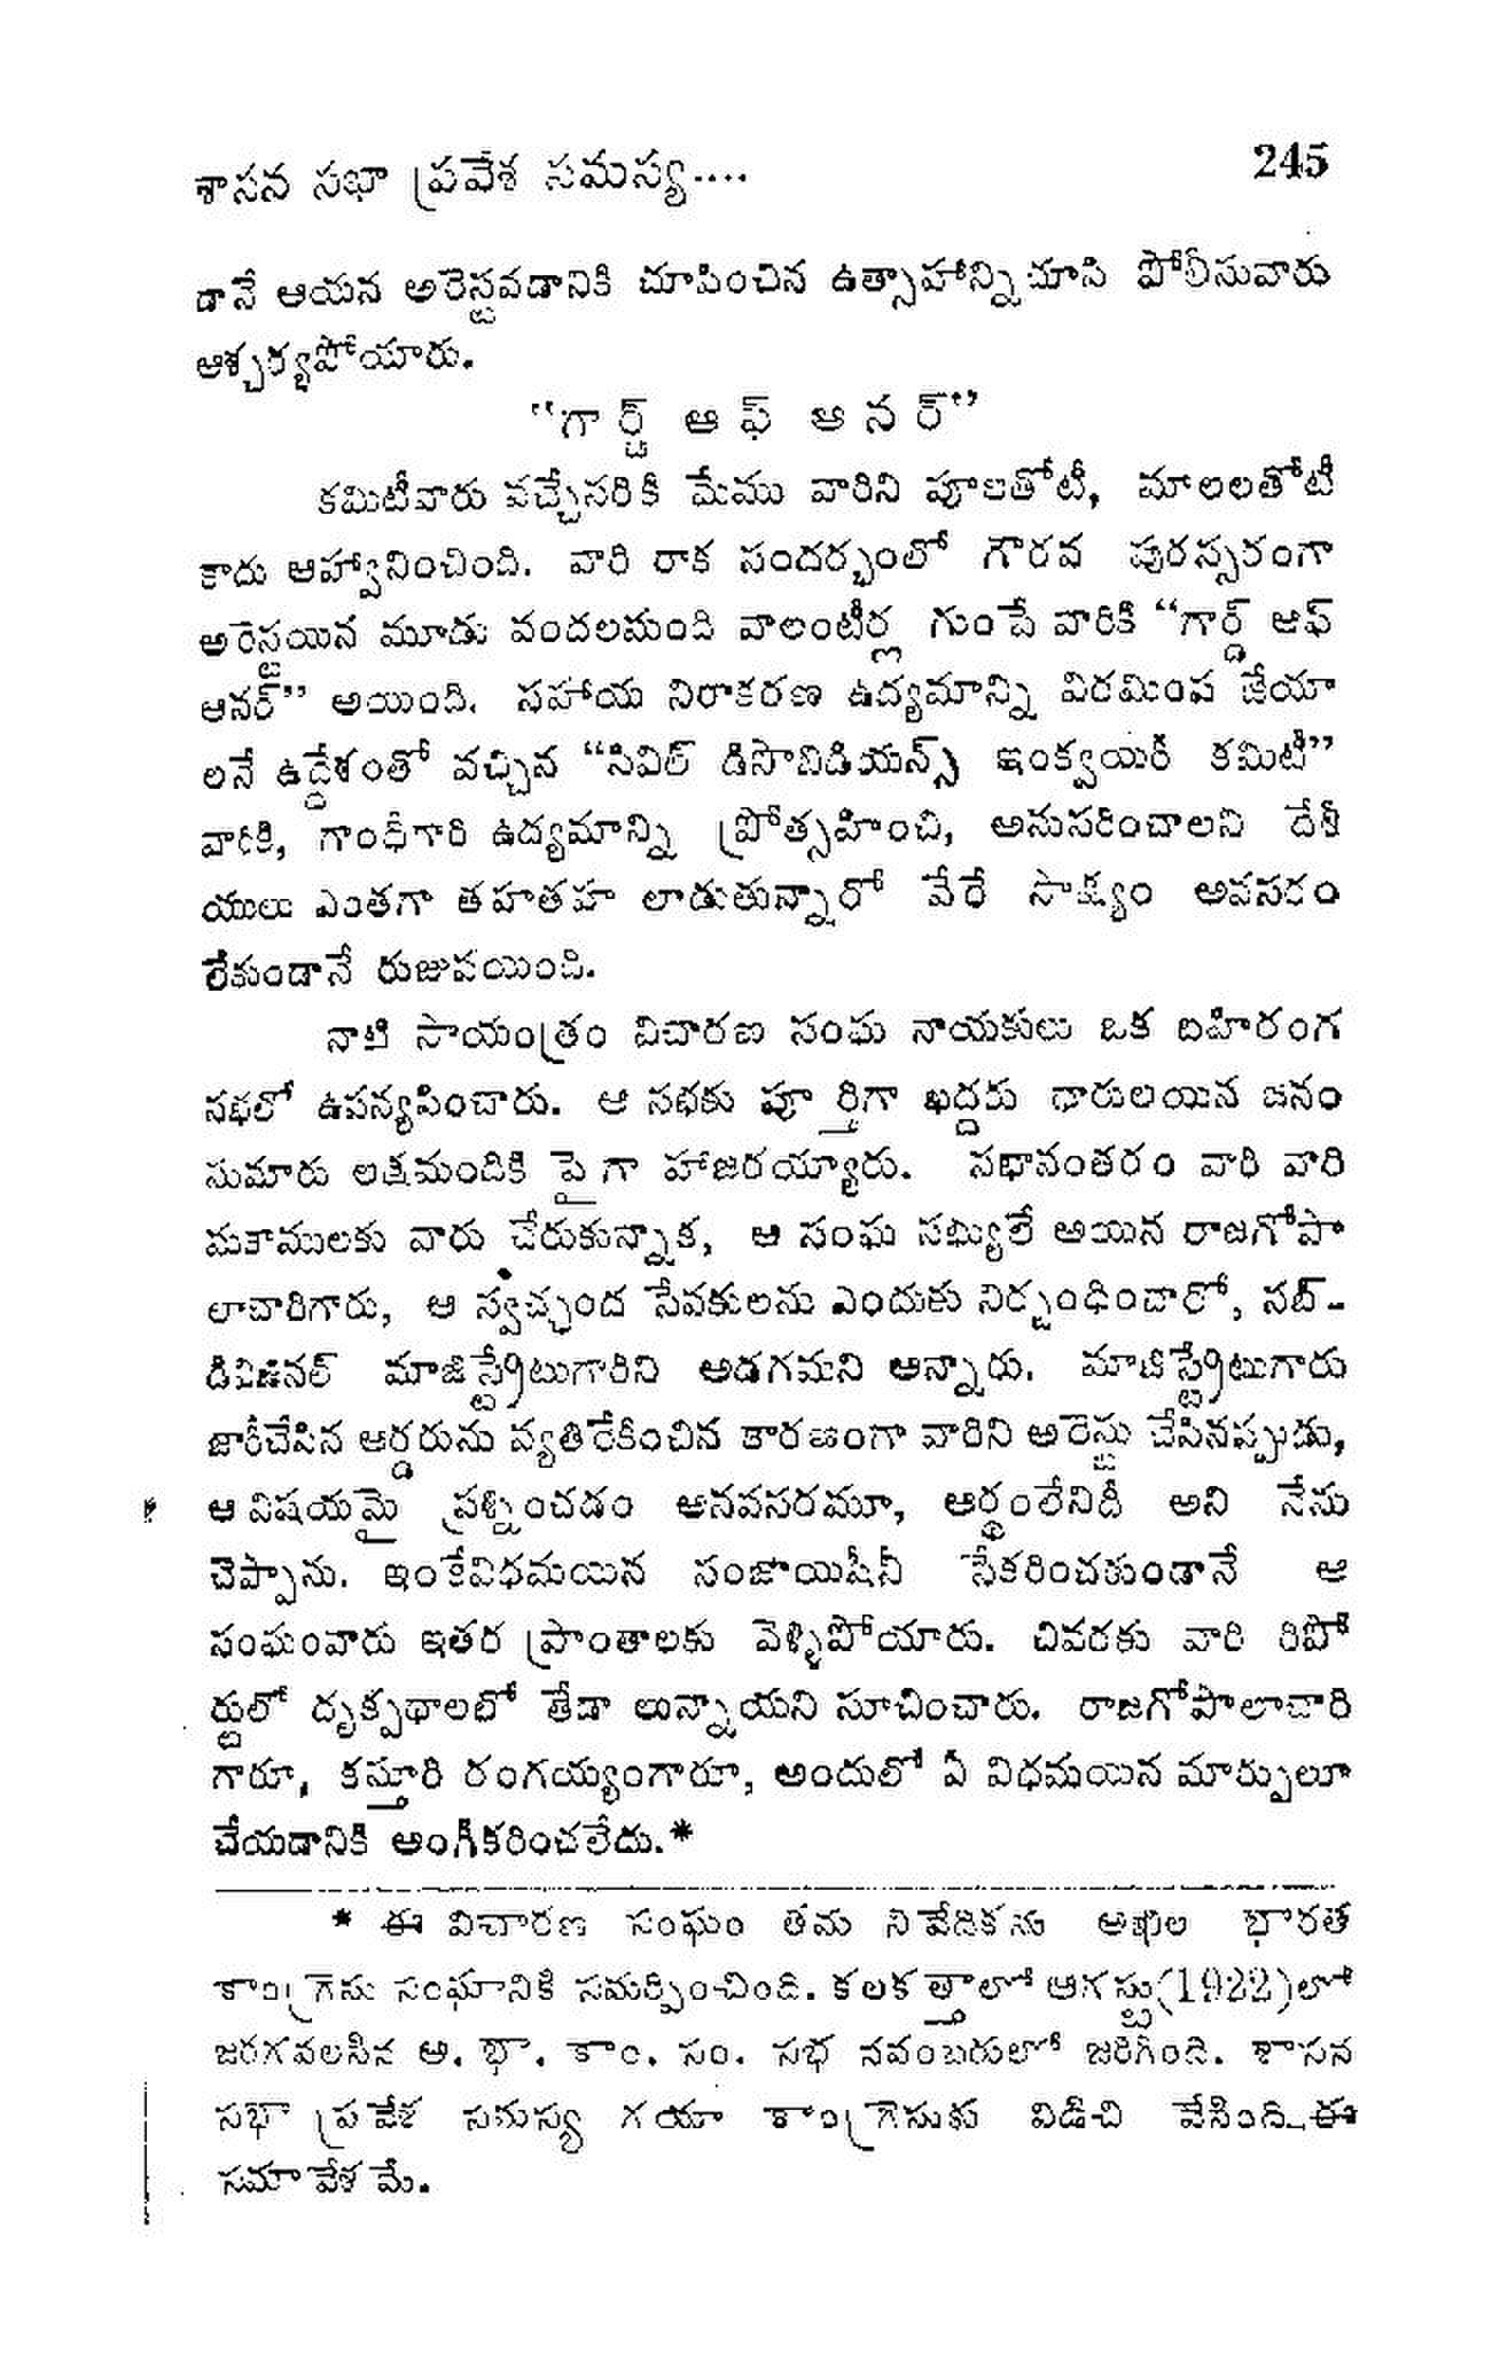డానే ఆయన అరెస్టవడానికి చూపించిన ఉత్సాహాన్నిచూసి పోలీసువారు ఆశ్చర్యపోయారు.

కమిటీవారు వచ్చేసరికి మేము వారిని పూలతోటీ, మాలలతోటీ కాదు ఆహ్వానించింది. వారి రాక సందర్భంలో గౌరవ పురస్పరంగా అరెస్టయిన మూడు వందలమంది వాలంటీర్ల గుంపే వారికి "గార్డ్ ఆఫ్ ఆనర్" అయింది. సహాయ నిరాకరణ ఉద్యమాన్ని విరమింప జేయాలనే ఉద్దేశంతో వచ్చిన "సివిల్ డిసొబిడియన్స్ ఇంక్వయిరీ కమిటీ" వారికి, గాంధీగారి ఉద్యమాన్ని ప్రోత్సహించి, అనుసరించాలని దేశీయులు ఎంతగా తహతహ లాడుతున్నారో వేరే సాక్ష్యం అవసరం లేకుండానే రుజువయింది.

నాటి సాయంత్రం విచారణ సంఘ నాయకులు ఒక బహిరంగ సభలో ఉపన్యసించారు. ఆ సభకు పూర్తిగా ఖద్దరు దారులయిన జనం సుమారు లక్షమందికి పైగా హాజరయ్యారు. సభానంతరం వారి వారి మకాములకు వారు చేరుకున్నాక, ఆ సంఘ సభ్యులే అయిన రాజగోపాలాచారిగారు, ఆ స్వచ్చంద సేవకులను ఎందుకు నిర్భంధించారో, సబ్-డివిజినల్ మాజిస్ట్రేటుగారిని అడగమని అన్నారు. మాజిస్ట్రేటుగారు జారీచేసిన ఆర్డరును వ్యతిరేకించిన కారణంగా వారిని అరెస్టు చేసినప్పుడు, ఆ విషయమై ప్రశ్నించడం అనవసరమూ, అర్థంలేనిదీ అని నేను చెప్పాను. ఇంకేవిధమయిన సంజాయిషీనీ సేకరించకుండానే ఆ సంఘంవారు ఇతర ప్రాంతాలకు వెళ్ళిపోయారు. చివరకు వారి రిపోర్టులో దృక్పథాలలో తేడా లున్నాయని సూచించారు. రాజగోపాలాచారిగారూ, కస్తూరి రంగయ్యంగారూ, అందులో ఏ విధమయిన మార్పులూ చేయడానికి అంగీకరించలేదు.